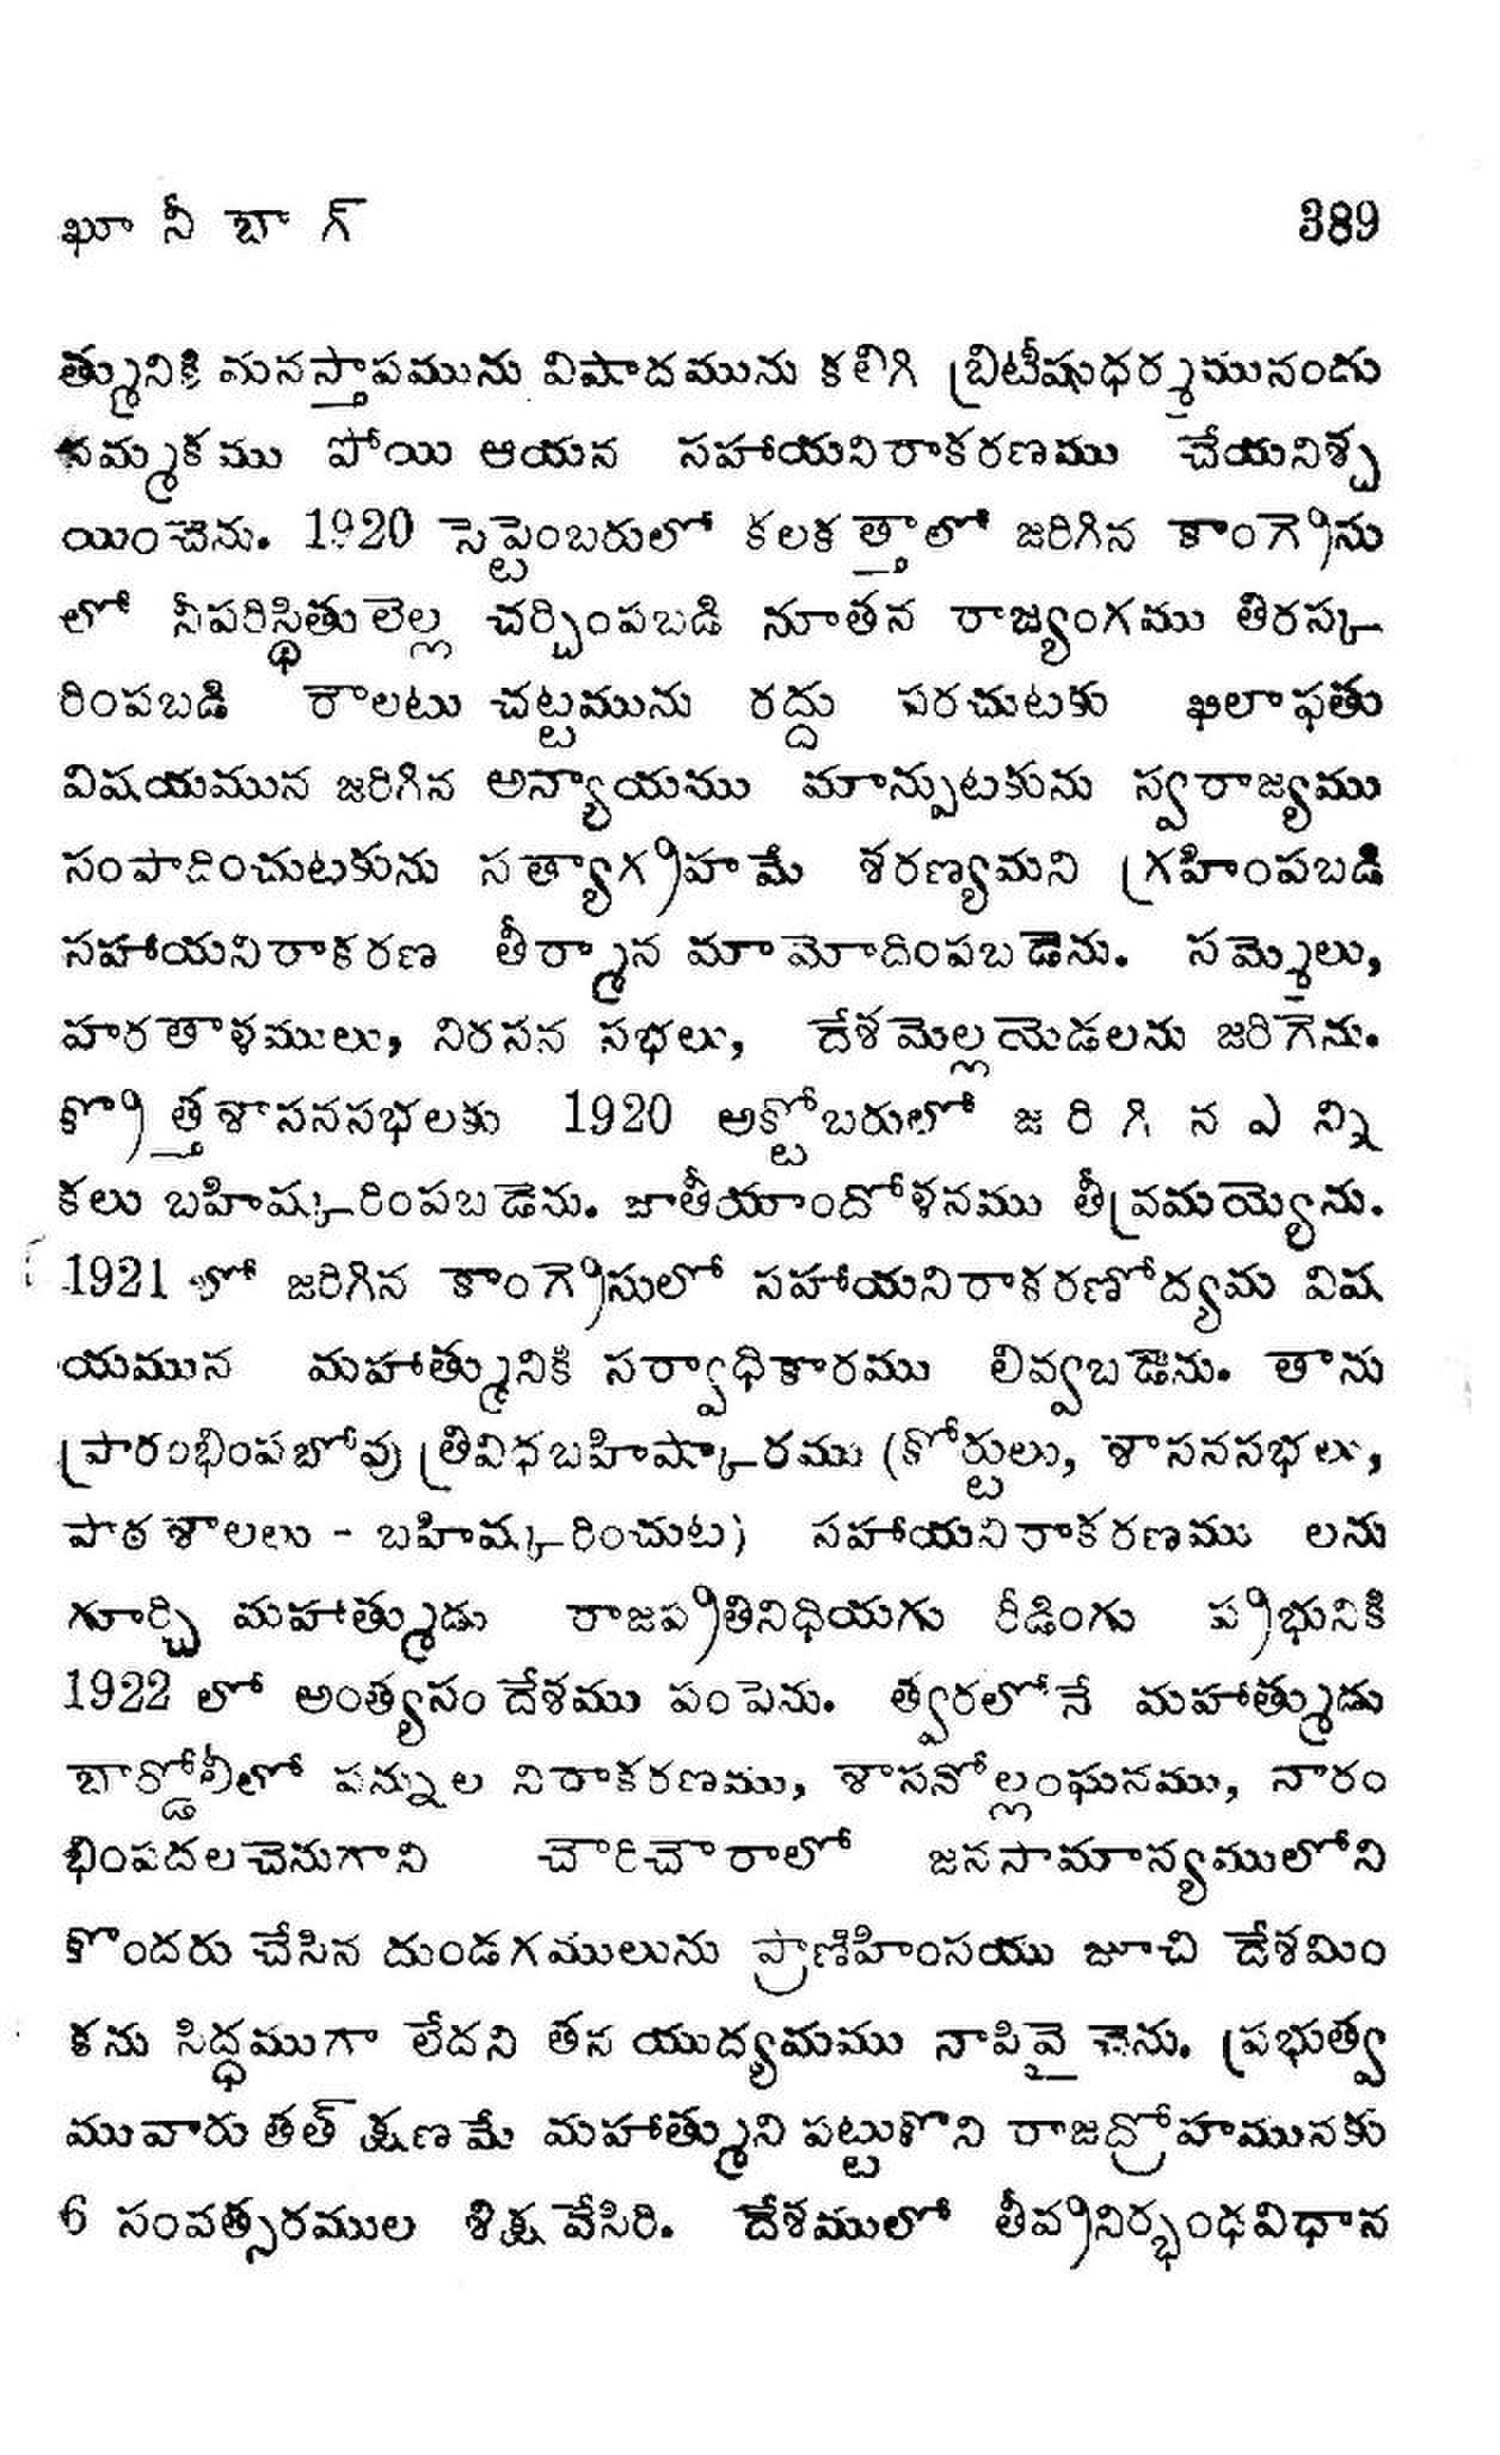త్మునికి మనస్తాపమును విషాదమును కలిగి బ్రిటీషుధర్మమునందు నమ్మకము పోయి ఆయన సహాయనిరాకరణము చేయనిశ్చయించెను. 1920 సెప్టెంబరులో కలకత్తాలో జరిగిన కాంగ్రెనులో నీపరిస్థితులెల్ల చర్చింపబడి నూతన రాజ్యంగము తిరస్కరింపబడి రౌలటు చట్టమును రద్దు పరచుటకు ఖిలాఫతు విషయమున జరిగిన అన్యాయము మాన్పుటకును స్వరాజ్యము సంపాదించుటకును సత్యాగ్రహమే శరణ్యమని గ్రహింపబడి సహాయనిరాకరణ తీర్మాన మామోదింపబడెను. సమ్మెలు, హరతాళములు, నిరసనసభలు, దేశమెల్లయెడలను జరిగెను. క్రొత్తశాసనసభలకు 1920 అక్టోబరులో జరిగిన ఎన్నికలు బహిష్కరింపబడెను. జాతీయాందోళనము తీవ్రమయ్యెను. 1921 లో జరిగిన కాంగ్రెసులో సహాయనిరాకరణోద్యమ విషయమున మహాత్మునికి సర్వాధికారము లివ్వబడెను. తాను ప్రారంభింపబోవు త్రివిధబహిష్కారము (కోర్టులు, శాసనసభలు, పాఠశాలలు - బహిష్కరించుట) సహాయనిరాకరణము లను గూర్చి మహాత్ముడు రాజప్రతినిధియగు రీడింగు ప్రభునికి 1922 లో అంత్యసందేశము పంపెను. త్వరలోనే మహాత్ముడు బార్డోలీలో పన్నుల నిరాకరణము, శాసనోల్లంఘనము, నారంభింపదలచెనుగాని చౌరిచౌరాలో జనసామాన్యములోని కొందరు చేసిన దుండగములును ప్రాణిహింసయు జూచి దేశమింకను సిద్ధముగా లేదని తన యుద్యమము నాపివైచెను. ప్రభుత్వమువారు తత్క్షణమే మహాత్ముని పట్టుకొని రాజద్రోహమునకు 6 సంవత్సరముల శిక్షవేసిరి. దేశములో తీవ్రనిర్బంధవిధాన